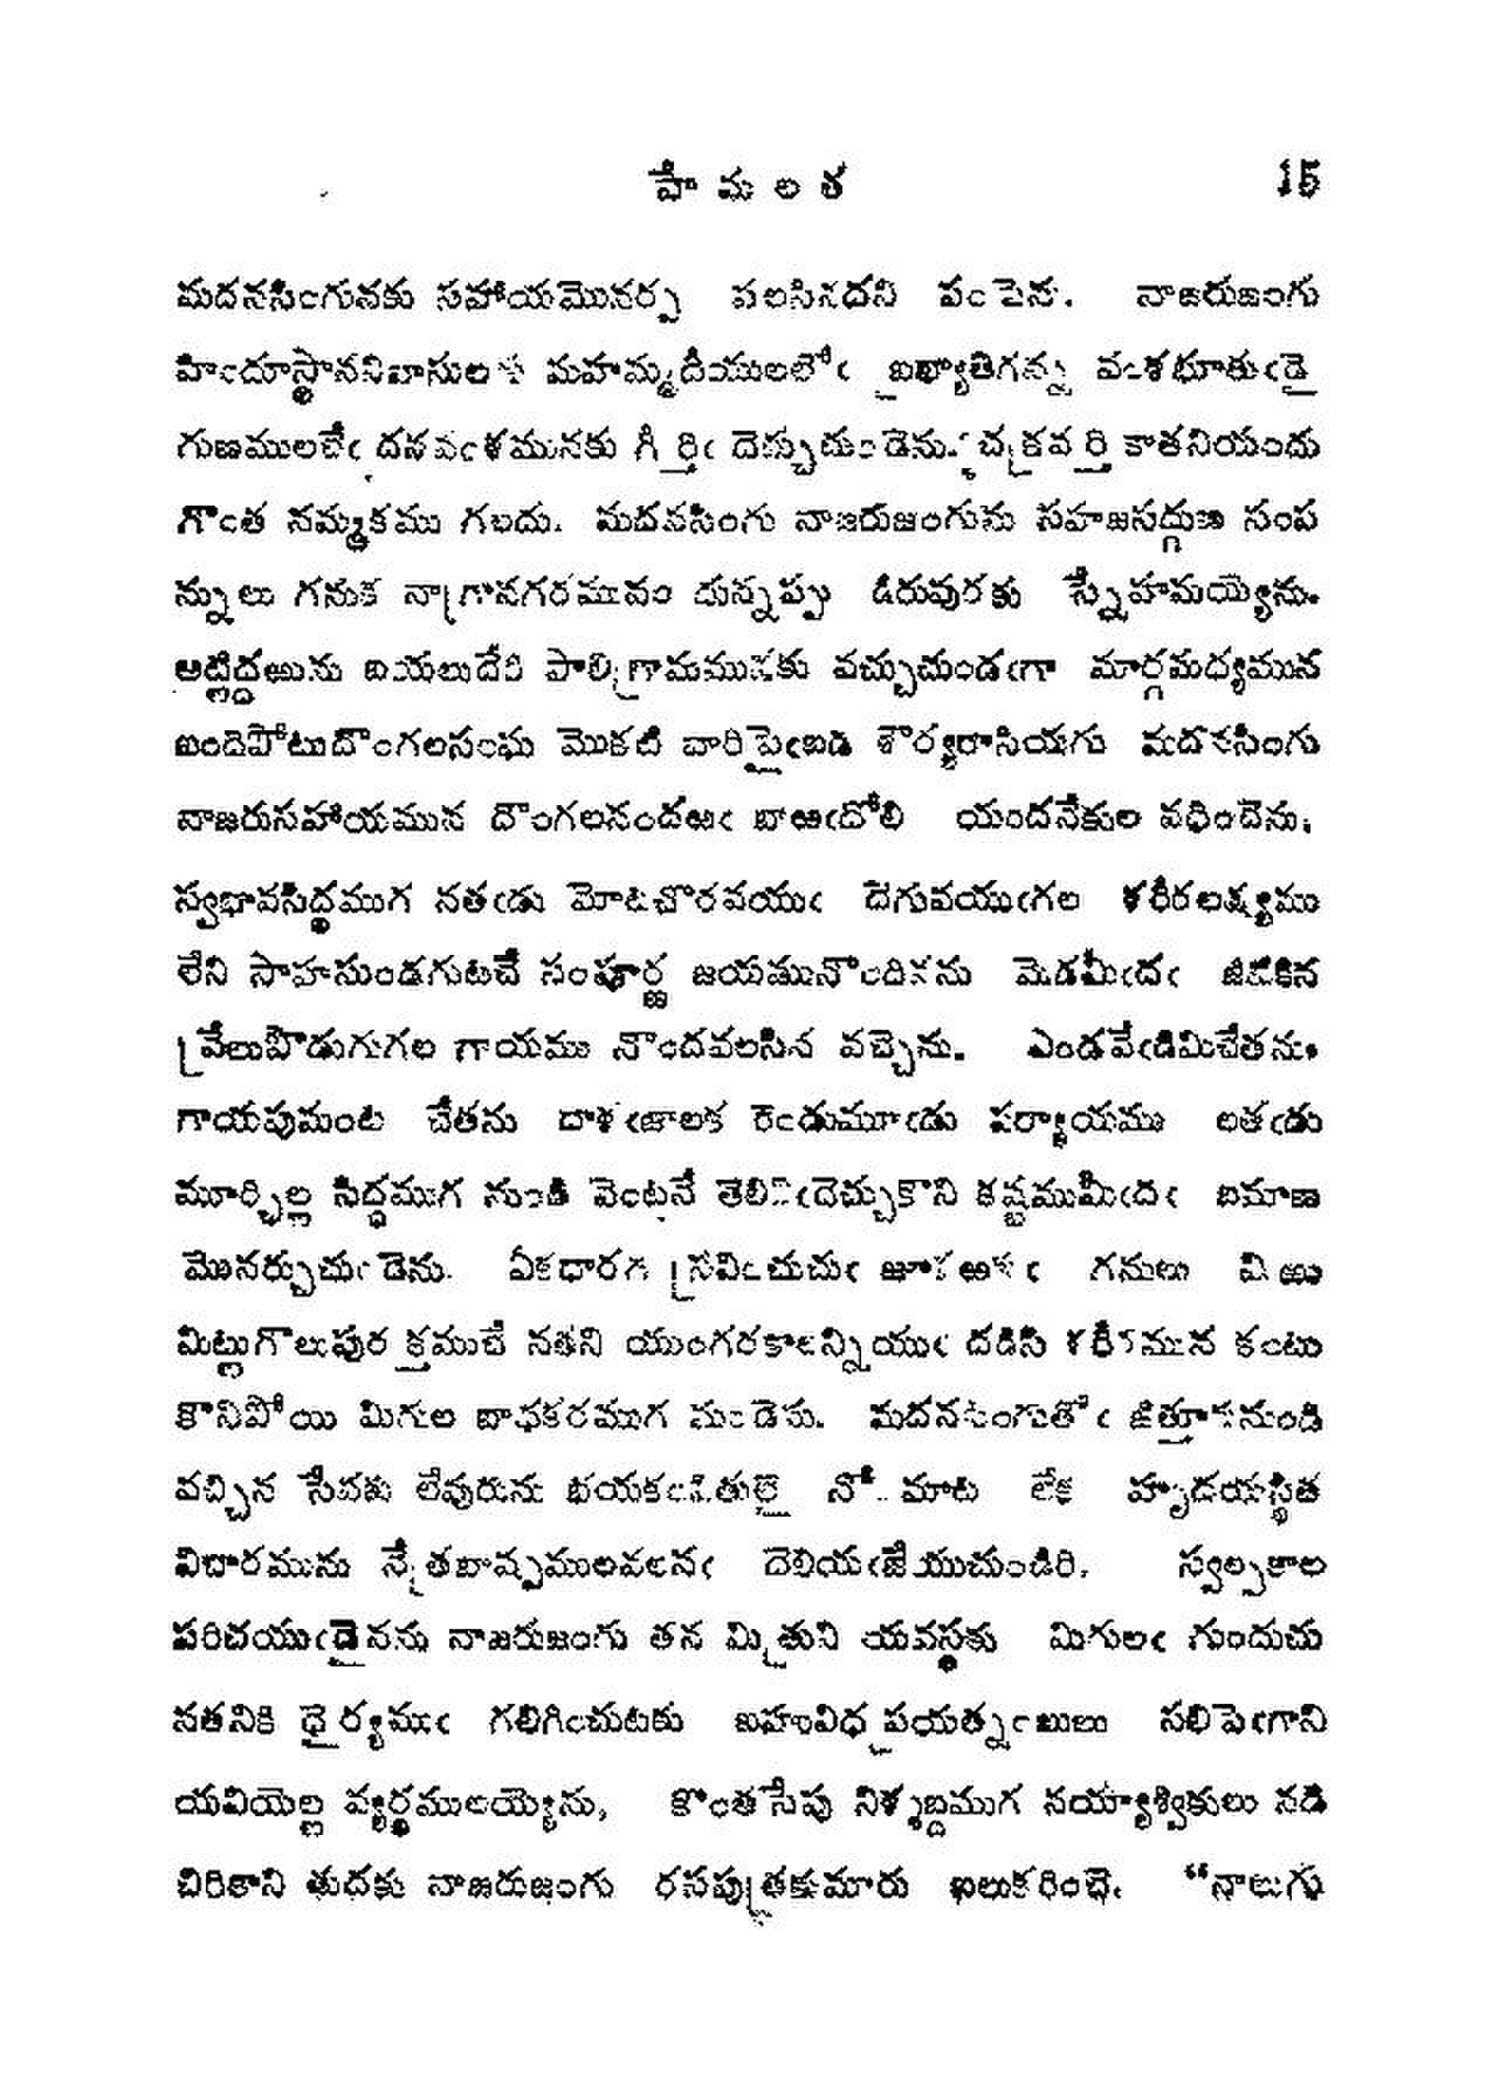మదనసింగునకు సహాయమొనర్ప వలసినదని పంపెను. నాజరుజంగు హిందూస్థాననివాసులకు మహమ్మదీయులలో బ్రఖ్యాతిగన్న వంశభూతుఁడై గుణములచేఁ దనవంశమునకు గీర్తిఁ దెచ్చుచుండెను. చక్రవర్తి కాతనియందు గొంత నమ్మకము గలదు. మదనసింగు నాజరుజంగును సహజసద్గుణ సంపన్నులు గనుక నాగ్రానగరమునం దున్నప్పు డిరువురకు స్నేహమయ్యేను. అట్లిద్దఱును బయలుదేరి పాలిగ్రామమునకు వచ్చుచుండగా మార్గమధ్యమున బందిపోటు దొంగలసంఘ మొకటి వారి పైబడి శౌర్యరాసియగు మదనసింగు నాజరుసహాయమున దొంగలనందలఁ బాఱఁదోలి యందనేకుల వధించెను. స్వభావసిద్ధముగ నతఁడు మోటచొరవయుఁ దిగువయుఁగల శరీరలక్ష్యము లేని సాహసుండగుటచే సంపూర్ణ జయమునొందినను మెడమీఁదఁ జిటికినవ్రేలు పొడుగుగల గాయము నొందవలసిన వచ్చెను. ఎండవేఁడిమిచేతను, గాయపుమంట చేతను దాళఁజాలక రెండుమూడు పర్యాయము లతఁడు మూర్ఛిల్ల సిద్ధముగ నుడి వెంటనే తెలివిఁదెచ్చుకొని కష్టముమీఁదఁ బ్రయాణ మొనర్చుచుండెను. ఏకధారగ స్రవించుచుఁ జూపఱకుఁ గనులు మిఱుమిట్లుగొలుపు రక్తముచే నతని యుంగరకాలన్నియుఁ దడిసి శరీరమున కంటుకొనిపోయి మిగుల బాధకరముగ నుండెను. మదనసింగుతోఁ జిత్తూరునుండి వచ్చిన సేవకు లేవురును భయకంపితులై నోట మాట లేక హృదయస్థిత విచారమును నేత్రబాష్పములవలనఁ దెలియఁజేయుచుండిరి. స్వల్పకాల పరిచయుఁడైనను నాజరుజంగు తన మిత్రుని యవస్థకు మిగులఁ గుందుచు నతనికి ధైర్యముఁ గలిగించుటకు బహువిధ ప్రయత్నములు సలిపెఁగాని యవియెల్ల వ్యర్థములయ్యెను, కొంతసేపు నిశ్శబ్దముగ నయ్యాశ్వికులు నడిచిరికాని తుదకు నాజరుజంగు రసపుత్రకుమారు బలుకరించె. “నాలుగు